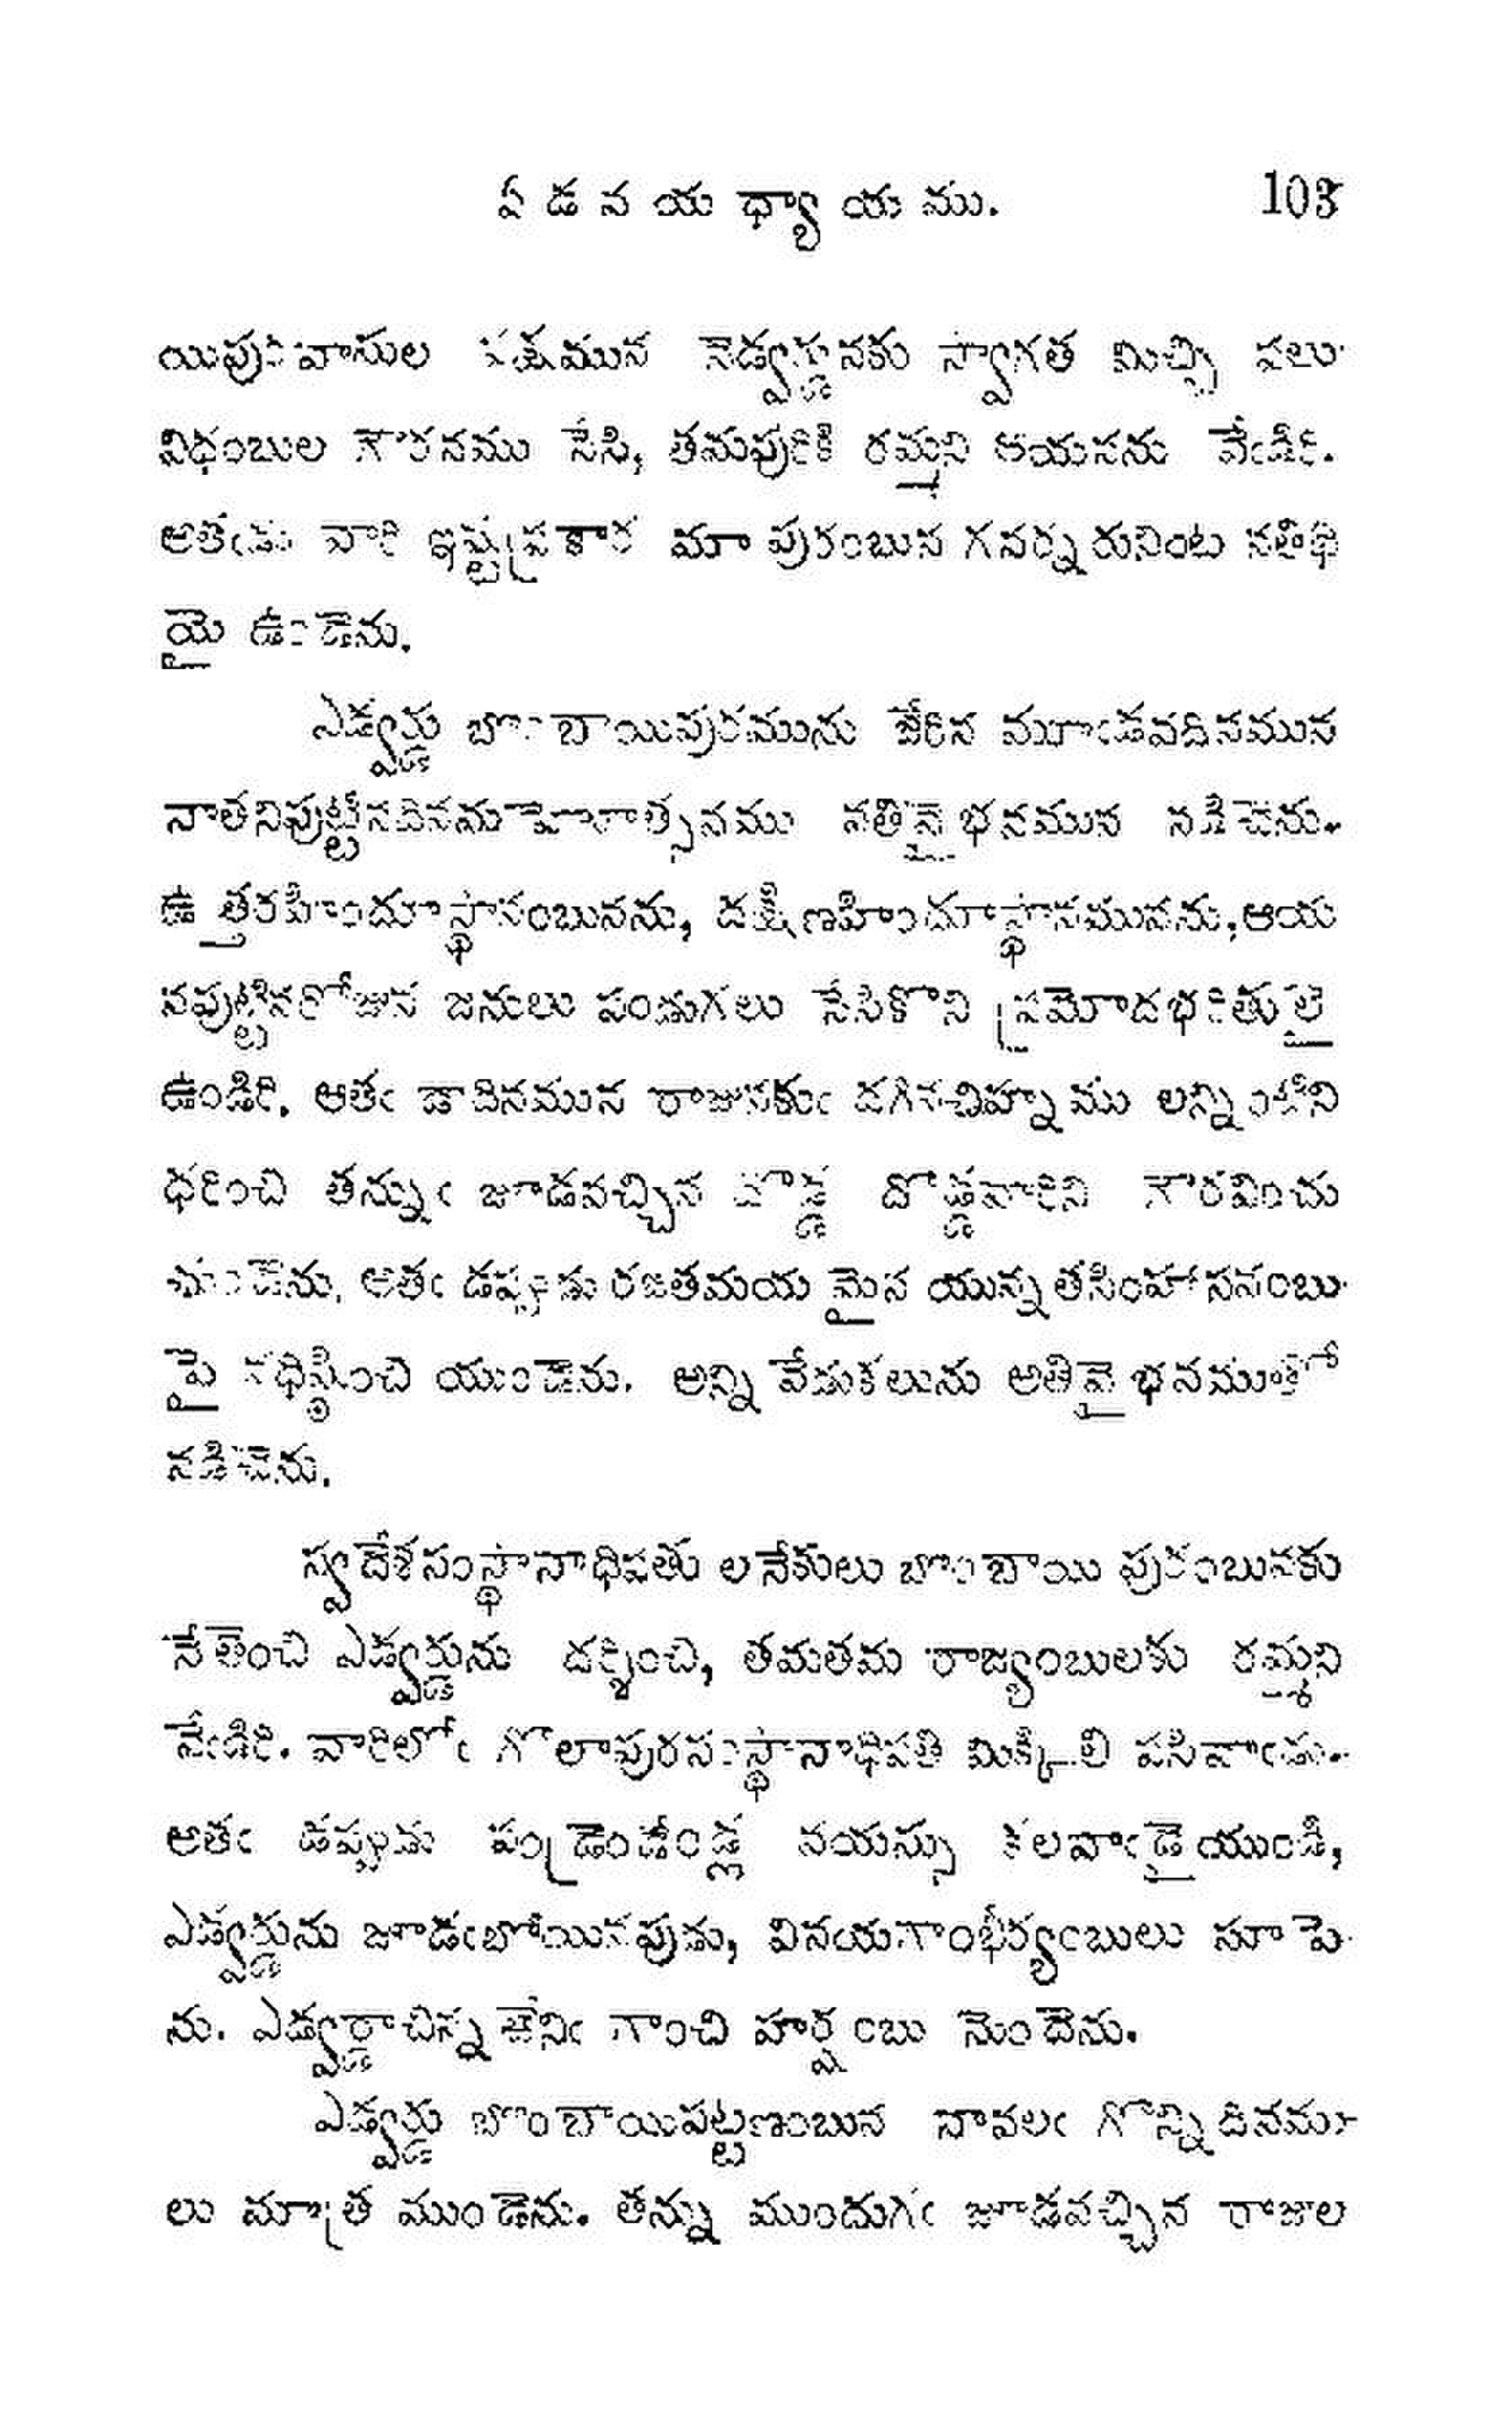యిపు పుర వాసుల పక్షమున నెడ్వర్డునకు స్వాగత మిచ్చి పలు విధంబుల గౌరవము సేసి, తమపురికి రమ్మని ఆయనను వేడిరి. అతడు వారి ఇష్ట ప్రకారమా పురంబున గవర్నరు నింట నతిది యై ఉండెను.

ఎడ్వర్డుబొ బాంబాయి పురమును జేరిన మూడవదినమున నాతని పుట్టిస దినమహోత్సవము సతివైభనమున సడిచెను. ఉత్తర హిందూ స్థానంబునను, దక్షిణ హిందూస్థానమునను, ఆయ సపుట్టిన రోజున జనులు పండుగలు చేసికొని ప్రమోదభరితులై ఉండిరి. ఆతడా దినమున రాజులకుఁ దగిన-చిహ్నము లన్నింటిని ధరించి తన్నుఁ జూడనచ్చిన మా దొడ్డవారిని గౌరవించు చుండెను, ఆతఁ డప్పుడు రజతమయ మైన యున్నత సింహాసనంబు పై అధిష్టించి యుండెను. అన్ని వేడుకలును అతి వైభనముతో నడిచెను.

స్వదేశ సంస్థానాధిపతు లనేకులు బొంబాయి పురంబుసకు "నేతెంచి ఎడ్వర్డును దర్శించి, తమతమ రాజ్యంబులకు రమ్మని వేడిరి. వారిలో గొలాపుర సంస్థానాధిపతి మిక్కిలి పసివాడు అతఁ ఉప్పుడు పండ్రెండేండ్ల వయస్సు కలహాఁ డై యుండి, ఎడ్వర్డును జూడఁబోయినపుడు, వినయ గాంభీర్యంబులు సూపె ను. ఎడ్వర్డా చిన్న రేని గాంచి హర్షంబు నొందెను. ఎడ్వర్లు బొంబాయి పట్టణంబున నావలఁ గొన్ని దినములు - మాత్ర ముండెను. తన్ను ముందుగఁ జూడవచ్చిన రాజుల